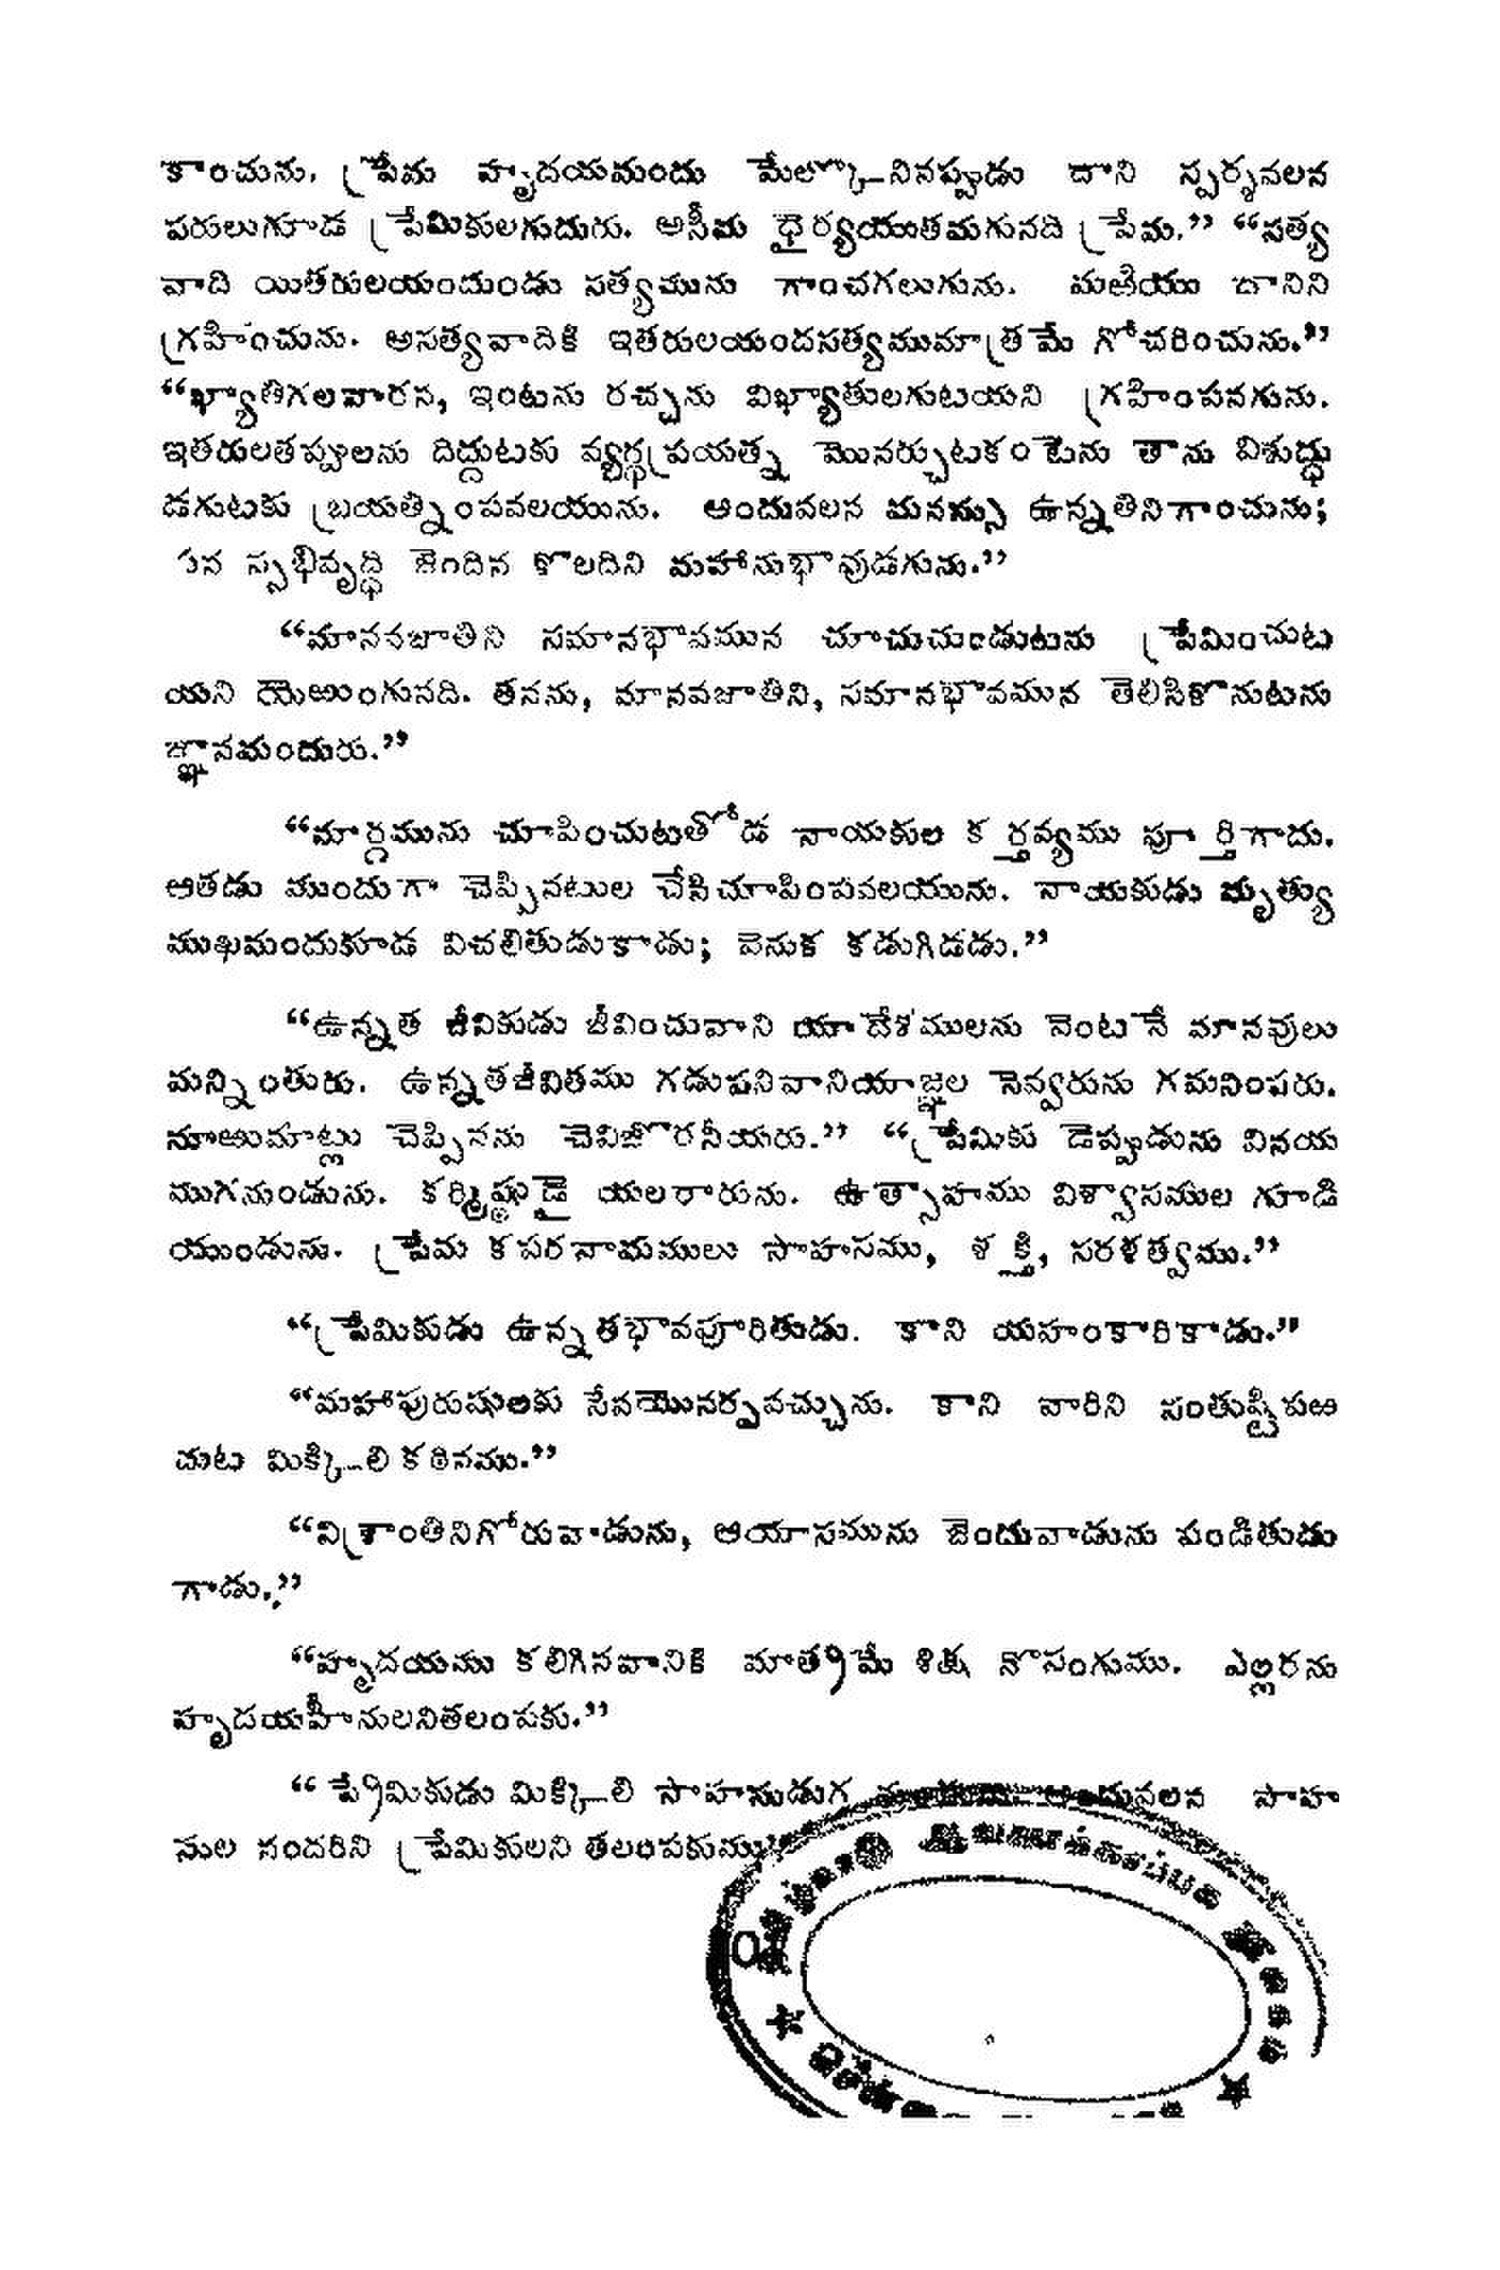కాంచును. ప్రేమ హృదయమందు మేల్కొనినప్పుడు దాని స్పర్శవలన పరులు గూడ ప్రేమికులగుదురు. అసీమ ధైర్యయుతమగునది ప్రేమ." "సత్యవాది యితరులందుండు సత్యమును గాంచగలుగును. మఱియు దానిని గ్రహించును. అసత్యవాదికి ఇతరులయందసత్యముమాత్రమే గోచరించును." "ఖ్యాతిగలవారన, ఇంటను రచ్చను విఖ్యాతులగుటయని గ్రహింపనగును. ఇతరులతప్పులను దిద్దుటకు వ్యర్ధప్రయత్న మొనర్చుటకంటెను తాను విశుద్దుడగుటకు బయ త్నింపవలయును. అందువలన మనస్సు ఉన్నతినిగాంచును; తన స్వభివృద్ది జెందిన కొలదిని మహానుభావుడగును."
 
"మానవజాతిని సమానభావమున చూచుచుండుటను ప్రేమించుటయని యెఱుంగునది. తనను, మానవజాతిని, సమానభావమున తెలిసికొనుటకు జ్ఞానమందురు."
 
"మార్గమును చూపించుటతోడ నాయకుల కర్తవ్యము పూర్తిగాదు. అతడు ముందుగా చెప్పనటుల చేసిచూపింపవలయును. నాయకుడు మృత్యుముఖ మందుకూడ విచలితుడుకాడు; వెనుక కడుగిడడం."
 
"ఉన్నత జీవికుడు జీవించువాని యాదేశములను వెంటనే మానవులు మన్నింతురు. ఉన్నతజీవితము గడుపనివానియాజ్ఞల నెవ్వరును గమనింపరు. మాఱుమాట్లు చెప్పినను చెవిజొరనీయరు." "ప్రేమకు డెప్పుడును విషయముగ నుండును. కర్మిష్టుడై యలరారును. ఉత్సాహము విశ్వాసముల గూడి యుందును. ప్రేమ కపరనామములు సాహసము, శక్తి, సరశత్వము."
 
"ప్రేమికుడు ఉన్నతభావపూరితుడు. కాని యహంకారికాడు"
మహాఉరుషులకు సేవయనర్చవచ్చును. కాని వారిని సంతుష్టిపఱచుట మిక్కిలి కఠినము."
 
"విశ్రాంతినిగోరువాడును, ఆయాసమును జెందువాడును పండితుడు గాడు."
 
"హృదయము కలిగినవానికి మాత్రమే శిక్ష నొసంగుము. ఎల్లరను హృదయహీనులనితలంపకు."
 
"ప్రేమికుడు మిక్కిలి సాహసుడుగ నుండును. అందువలన సాహసుల నందరిని ప్రేమికులని తలంపకుము."